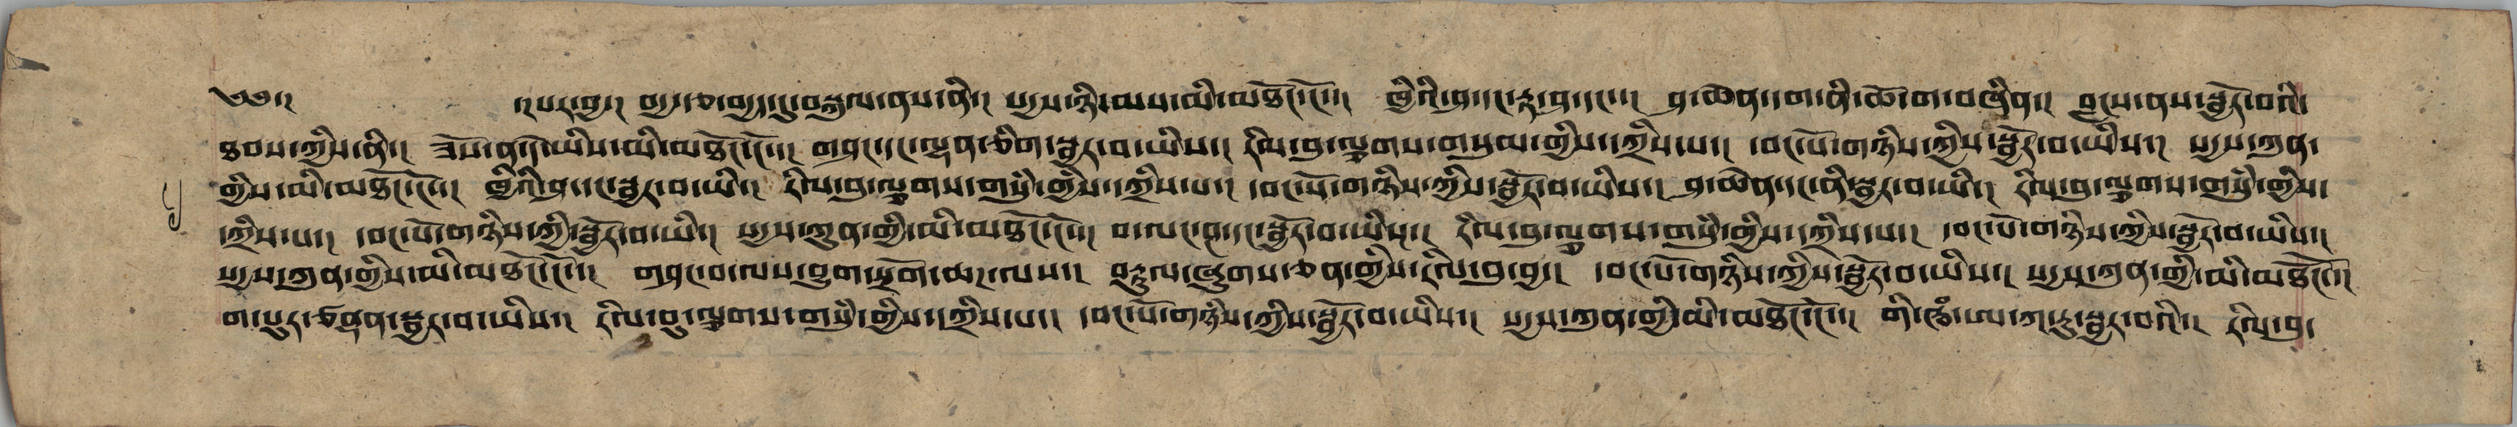༄༅་། ་།པར་བྱ་། བདྱ་རྩ་བདྱད་དུ་བསྐུལ་ནས་ནི་། སདྱས་ཉི་མས་མི་མཐོང་ངོ་་། ཁྱིའི་ཤ་དང་རྟ་ཤ་དང་་། ཤ་ཆེན་དག་ནི་ཆོ་ག་བཞིན་། བླངས་ནས་སྦྱོར་བའི་
ཐབས་ཀྱིས་ནི་། ཟོས་ན་དེ་ཡིས་མི་མཐོང་ངོ་་། གཤང་དང་ལྷན་ཅིག་སྦྱར་བ་ཡིས་། རིམ་བུ་ལྕགས་གསུམ་གྱིས་དཀྲིས་པ་། དབང་པོ་གཉིས་ཀྱིས་སྦྱོར་བ་ཡིས་། སདྱས་ཀུན་
གྱིས་མི་མཐོང་ངོ་་། ཁྱིའི་ཤ་དང་སྦྱར་བ་ཡི་། རིལ་བུ་ལྕགས་གསུཾ་གྱིས་དཀྲིས་པ་། དབང་པོ་གཉིས་ཀྱིས་སྦྱོར་བ་ཡིས་། ཤ་ཆེན་དང་ནི་སྦྱར་བ་ཡི་། རིལ་བུ་ལྕགས་གསུཾ་གྱིས་
དཀྲིས་པ་། དབང་པོ་གཉིས་ཀྱི་སྦྱོར་བ་ཡི་། སདྱས་ཀུན་གྱི་མི་མཐོང་ངོ་་། པ་ལང་ཤ་དང་སྦྱོར་བ་ཡིས་། རིལ་བུ་ལྕགས་གསུཾ་གྱིས་དཀྲིས་པ་། དབང་པོ་གཉིས་ཀྱིས་སྦྱོར་བ་ཡིས་།
སདྱས་ཀུན་གྱིས་མི་མཐོང་ངོ་་། གཤང་བ་ལས་བྱུག་སྲོག་ཆཌ་ལས་། བརྟུལ་ཞུགས་ཅན་གྱིས་རིལ་བུ་བྱ་། དབང་པོ་གཉིས་ཀྱིས་སྦྱོར་བ་ཡིས་། སདྱས་ཀུན་གྱི་མི་མཐོངོ་་།
ག་པུར་ཙནྡན་སྦྱར་བ་ཡིས་། རིལ་བུ་ལྕགས་གསུཾ་གྱིས་དཀྲིག་པ་། དབང་པོ་གཉིས་ཀྱིས་སྦྱོར་བ་ཡིས་། སདྱས་ཀུན་གྱི་མི་མཐོང་ངོ་་། གི་ཝཾ་ཨ་ཀ་རུ་སྦྱར་བའི་། རིལ་བུ་